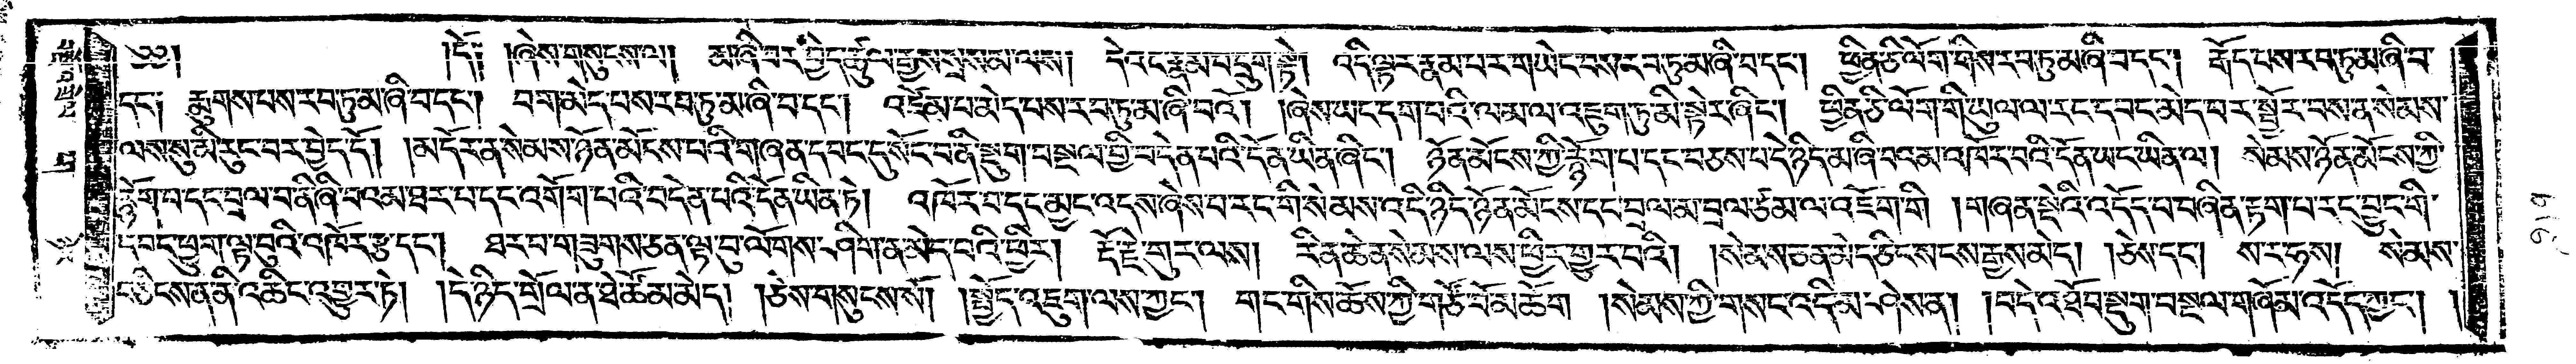༄༅། །དོ༑ །ཞེས་གསུངས་ལ། མ་ཞི་བར་བྱེད་ཚུལ་རྒྱས་སྲས་མ་ལས། དེའང་རྣམ་བ་དྲུག་སྟེ། འདི་ལྟར་རྣམ་པར་གཡེང་བས་རབ་ཏུ་མ་ཞི་བ་དང་། ཕྱིན་ཅི་ལོག་གིས་རབ་ཏུ་མ་ཞི་བ་དང་། རྒོད་པས་རབ་ཏུ་མ་ཞིམ་
དང༑ རྨུགས་པས་རབ་ཏུ་མ་ཞི་བ་དང་། བག་མེད་པས་རབ་ཏུ་མ་ཞི་བ་དང་། འཛེམ་པ་མེད་པས་རབ་ཏུ་མ་ཞི་བའོ། །ཞེས་ཡང་དག་པའི་ལམ་ལ་འཇུག་ཏུ་མི་སྟེར་ཞིང་། ཕྱིན་ཅི་ལོག་གི་ཡུལ་ལ་རང་དབང་མེད་པར་སྦྱོར་བས་ན་སེམས་
ལས་སུ་མི་རུང་བར་བྱེད་དོ། །མདོར་ན་སེམས་ཉོན་མོངས་པའི་གཞན་དབང་དུ་སོང་བ་ནི་སྡུག་བསྔལ་གྱི་བདེན་པའི་དོན་ཡིན་ཞིང་། ཉོན་མོངས་ཀྱི་རྙོག་པ་དང་བཅས་བ་དེ་ཉིད་མ་ཞི་བའམ་འཁོར་བའི་དོན་ཡང་ཡིན་ལ། སེམས་ཉོན་མོངས་ཀྱི་
རྙོག་བ་དང་བྲལ་བ་ནི་ཞི་བའམ་ཐར་པ་དང་འགོག་པའི་བདེན་པའི་དོན་ཡིན་ཏེ། འཁོར་བ་དང་མྱང་འདས་ཞེས་པ་རང་གི་སེམས་འདི་ཉིད་ཉོན་མོངས་དང་བྲལ་མ་བྲལ་ཙམ་ལ་འཇོག་གི །གཞན་སྡེའི་འདོད་པ་བཞིན་རྟག་པ་རང་བྱུང་གི་
དབང་ཕྱུག་ལྟ་བུའི་འཁོར་རྩ་དང་། ཐར་བ་གཟུགས་ཅན་ལྟ་བུ་ལོགས་ཤིག་ན་མེད་བའི་ཕྱིར། རྡོ་རྗེ་གུར་ལས། རིན་ཆེན་སེམས་ལས་ཕྱིར་གྱུར་བའི། །སེམས་ཅན་མེད་ཅིང་སངས་རྒྱས་མེད། །ཅེས་དང་། སར་ཧ་ས། སེམས་
བཅིངས་ན་ནི་འཆིང་འགྱུར་ཏེ། །དེ་ཉིད་གྲོལ་ན་ཐེ་ཚོམ་མེད། །ཅེས་གསུངས་སོ། །སྤྱོད་འཇུག་ལས་ཀྱང་། གང་གིས་ཆོས་ཀྱི་གཙོ་བོ་མཆོག །སེམས་ཀྱི་གསང་འདི་མ་ཤེས་ན། །བདེ་འཐོབ་སྡུག་བསྔལ་གཞོམ་འདོད་ཀྱང་། །